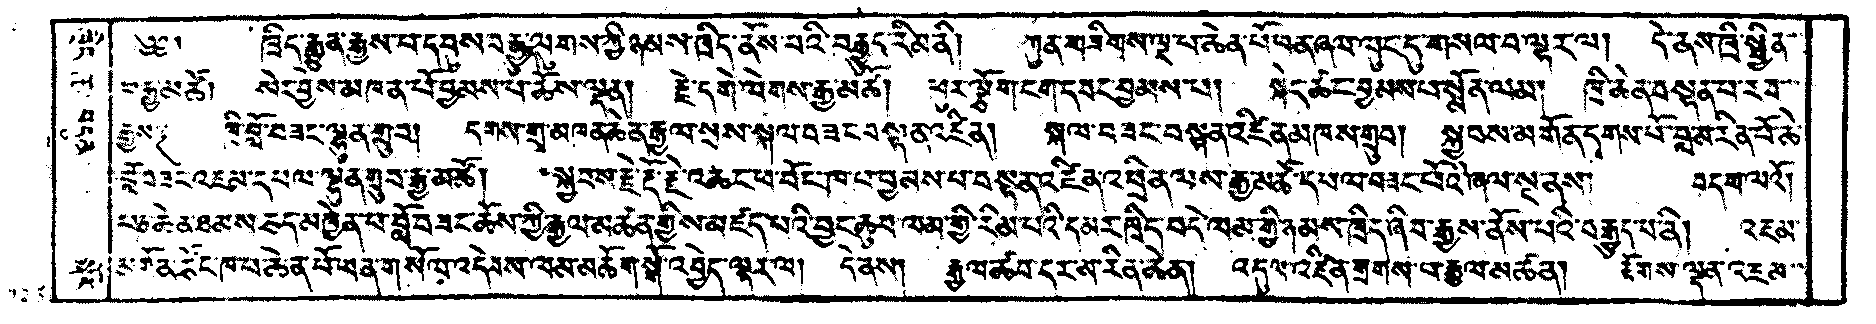༄༅། །ཁྲིད་རྒྱུན་རྒྱས་པ་དབུས་བརྒྱུད་ལུགས་ཀྱི་ཉམས་ཁྲིད་ནོས་པའི་བརྒྱུད་རིམ་ནི། ཀུན་གཟིགས་ལྔ་པ་ཆེན་པོ་ཡན་ཞལ་ལུང་དུ་གསལ་བ་ལྟར་ལ། དེ་ནས་ཁྲི་སྦྱིན་
པ་རྒྱ་མཚོ། སེར་བྱེས་མཁན་པོ་བྱམས་པ་ཆོས་ལྡན། རྗེ་དགེ་ལེགས་རྒྱ་མཚོ། ཕུར་ལྕོག་ངག་དབང་བྱམས་པ། སྐེད་ཚང་བྱམས་པ་སྨོན་ལམ། ཁྲི་ཆེན་བསྟན་པ་རབ་
རྒྱས༑ ཁྲི་བློ་བཟང་ལྷུན་གྲུབ། དྭགས་གྲྭ་མཁན་ཆེན་རྒྱལ་སྲས་སྐལ་བཟང་བསྟན་འཛིན། སྐལ་བཟང་བསྟན་འཛིན་མཁས་གྲུབ། སྐྱབས་མགོན་དྭགས་པོ་བླ་མ་རིན་པོ་ཆེ་
བློ་བཟང་འཇམ་དཔལ་ལྷུན་གྲུབ་རྒྱ་མཚོ། ༧སྐྱབས་རྗེ་རྡོ་རྗེ་འཆང་ཕ་བོང་ཁ་པ་བྱམས་པ་བསྟན་འཛིན་འཕྲིན་ལས་རྒྱ་མཚོ་དཔལ་བཟང་པོའི་ཞལ་སྔ་ནས། བདག་ལའོ།
པཎ་ཆེན་ཐམས་ཅད་མཁྱེན་པ་བློ་བཟང་ཆོས་ཀྱི་རྒྱལ་མཚན་གྱིས་མཛད་པའི་བྱང་ཆུབ་ལམ་གྱི་རིམ་པའི་དམར་ཁྲིད་བདེ་ལམ་གྱི་ཉམས་ཁྲིད་ཞིབ་རྒྱས་ནོས་པའི་བརྒྱུད་པ་ནི། འཇམ་
མགོན་ཙོང་ཁ་པ་ཆེན་པོ་ཡན་གསོལ་འདེབས་ལམ་མཆོག་སྒོ་འབྱེད་ལྟར་ལ། དེ་ནས། རྒྱལ་ཚབ་དར་མ་རིན་ཆེན། འདུལ་འཛིན་གྲགས་པ་རྒྱལ་མཚན། རྟོགས་ལྡན་འཇམ་